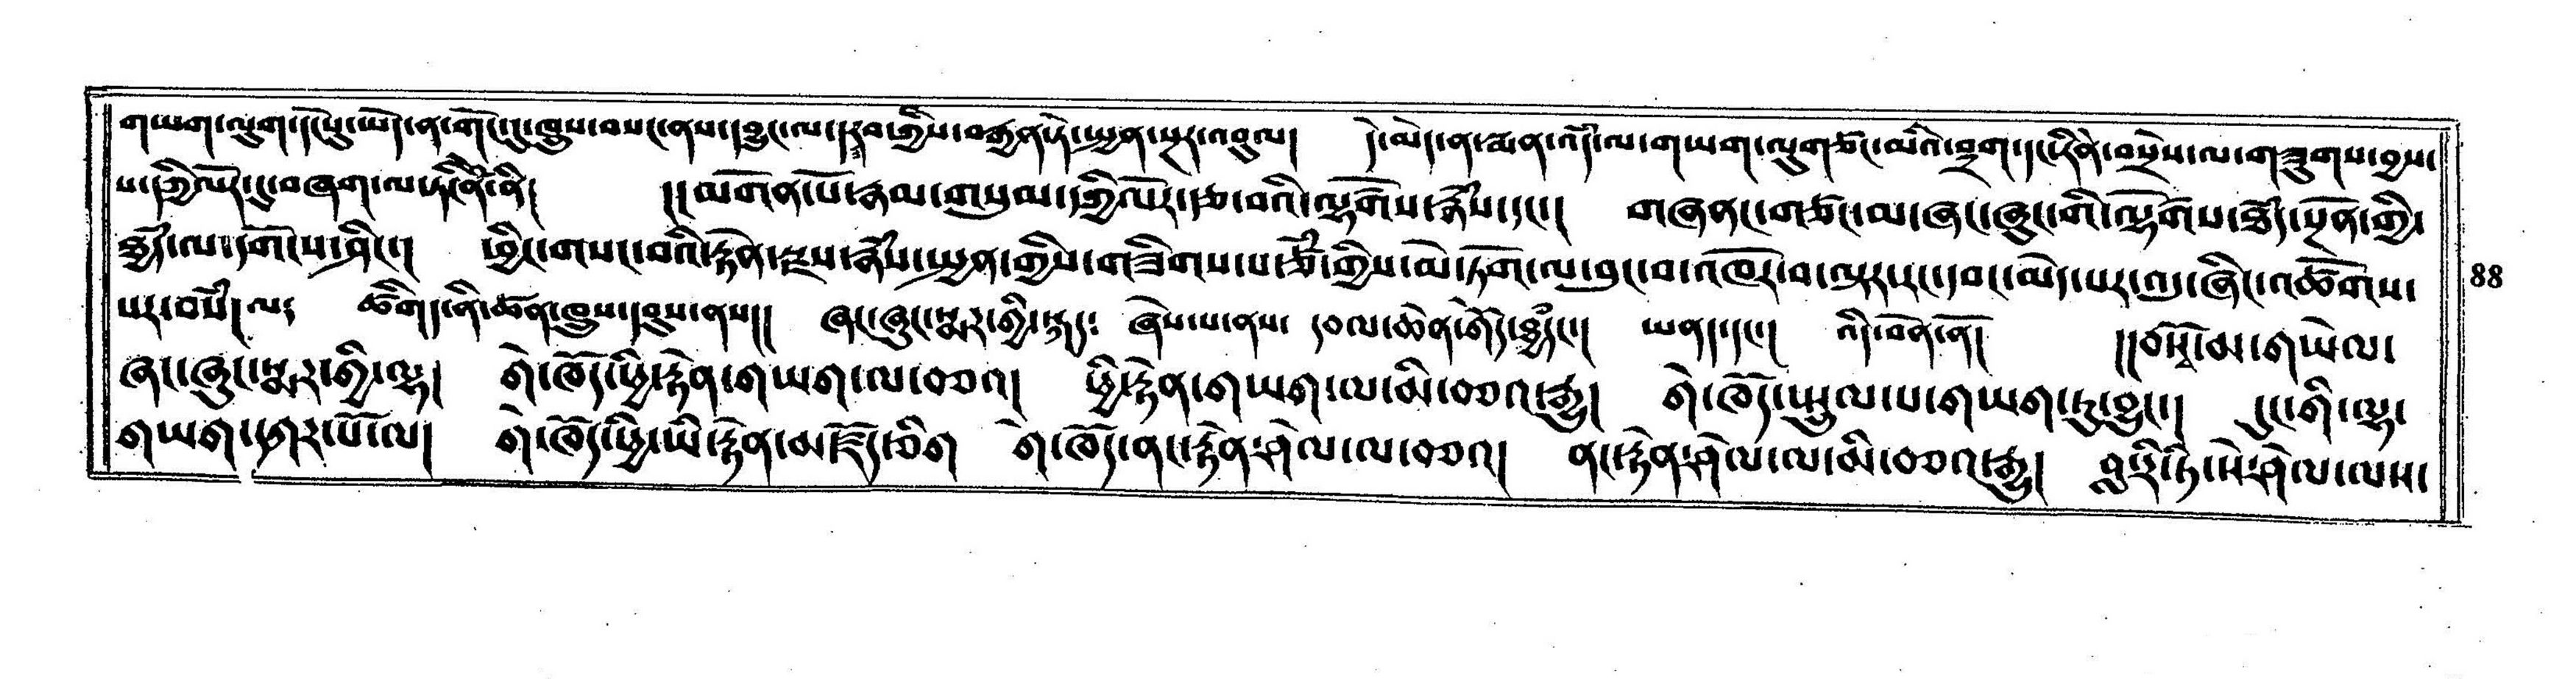གཡག་ལུག་དངོས་སུ་ཡོད་ན་གོང་དུ་ཁྲུས་བསང་ནས་དབྱུང་ལ་དར་ཟབ་གྱིས་བརྒྱན་རེ་སྤྱན་སྔར་འབུལ། དེ་མེད་ན་སྨན་འདམ་ལ་གཡག་ལུག་གཙང་མའི་ཤ་ཁྲག་དང་རིན་ཆེན་བསྲེས་ལ་གཟུགས་བྱས་
པ་དཀྱིལ་འཁོར་དུ་བཞག་ལ་རང་བཞིན་ནི། །།མགོན་པོ་རྣམ་གསུམ་དཀྱིལ་འཁོར་རྩ་བའི་ལྷ་ཚོགས་རྣམས་དང་། གཞན་ཡང་གཙང་མ་ཞང་ཞུང་གི་ལྷ་ཚོགས་ཐམས་ཅད་སྔོན་གྱི་
ཐུགས་དམ་ལ་དགོངས་ཤིང་། ཕྱི་ནང་གསང་བའི་རྟེན་རྫས་རྣམས་སྤྱན་གྱིས་གཟིགས་པ་ཙམ་གྱིས་མེ་ཏོག་ལ་བུང་བ་འཁོར་བ་ལྟར་རང་དབང་མེད་པར་འདུ་ཞིང་འཚོགས་
པར་བསམ།ལ ཚིག་བཤད་ནི་ཚན་ཁྲུས་དབུས་ནས།། ཞང་ཞུང་སྨར་གྱི་སྐད༴ ཞེས་པ་ནས་དབལ་ཆེན་གེ་ཁོད་ཐུགས་དམ་བསྐང་། ཡན་ཆད་དང་། འདི་བོན་ནོ། །།བསྭོ་མ་གཡེལ་
ཞང་ཞུང་སྨར་གྱི་ལྷ། གེ་ཁོད་ཕྱི་རྟེན་གཡག་ལ་བཅའ། ཕྱི་རྟེན་གཡག་ལ་མི་བཅའ་རྒྱུ། གེ་ཁོད་སྤྲུལ་པ་གཡག་ཏུ་བྱུང་། དུང་གི་ལྷ་
གཡག་དཀར་པོ་ལ། གེ་ཁོད་ཕྱི་ཡི་རྟེན་མཛོད་ཅིག གེ་ཁོད་ནང་རྟེན་ཤེལ་ལ་བཅའ། ནང་རྟེན་ཤེལ་ལ་མི་བཅའ་རྒྱུ། བླ་རི་ཏི་སེ་ཤེལ་ལས་